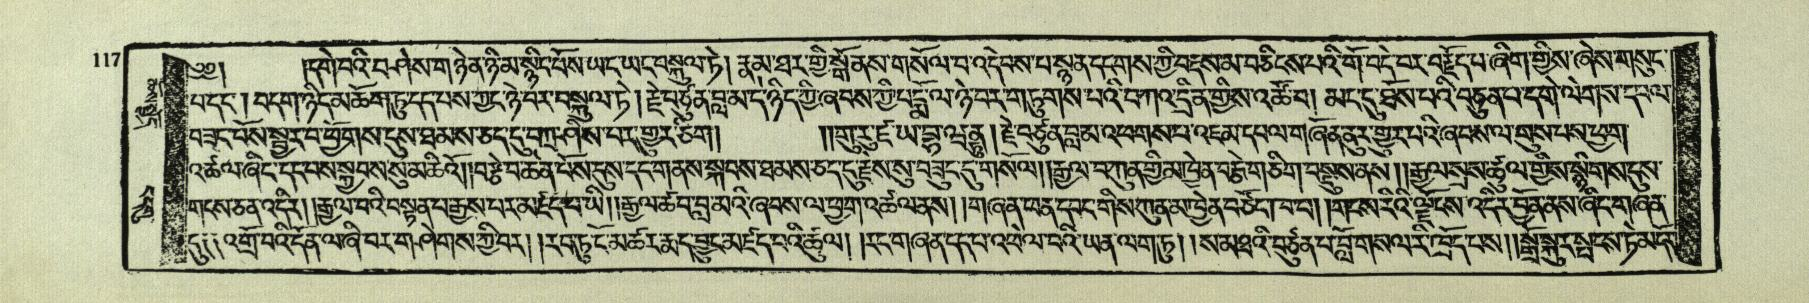༄༅། །དགེ་བའི་བཤེས་གཉེན་ཉི་མ་སྙིང་པོས་ཡང་ཡང་བསྐུལ་ཏེ། རྣམ་ཐར་གྱི་སྒོ་ནས་གསོལ་བ་འདེབས་པ་སྙན་དངགས་ཀྱི་བརྡས་མ་བཅིངས་པའི་གོ་བདེ་བར་བརྗོད་པ་ཞིག་གྱིས་ཞེས་གསུང་
པ་དང་། བདག་ཉིད་མཆོག་ཏུ་དད་པས་ཀྱང་ཉེ་བར་བསྐུལ་ཏེ། རྗེ་བཙུན་བླ་མ་དེ་ཉིད་ཀྱི་ཞབས་ཀྱི་པདམོ་ལ་ཉེ་བར་གཏུགས་པའི་བཀའ་དྲིན་གྱིས་འཚོ་བ། མང་དུ་ཐོས་པའི་བཅུན་པ་དགེ་ལེགས་དཔལ་
བཟང་པོས་སྦྱར་བ་ཕྱོགས་དུས་ཐམས་ཅད་དུ་བཀྲ་ཤིས་པར་གྱུར་ཅིག། །།གུ་རུ་ཛ་ཡ་བྷ་ཝནྟུ་རྗེ་བཙུན་བླ་མ་འཕགས་པ་འཇམ་དཔལ་གཞོན་ནུར་གྱུར་པའི་ཞབས་ལ་གུས་པས་ཕྱག་
འཚལ་ཞིང་དང་པས་སྐྱབས་སུ་མཆིའོ། །བརྩེ་བ་ཆེན་པོས་དུས་དང་གནས་སྐབས་ཐམས་ཅད་དུ་རྗེས་སུ་བཟུང་དུ་གསོལ། །རྒྱལ་བ་ཀུན་གྱི་མཁྱེན་བརྩེ་གཅིག་བསྡུས་ནས། །རྒྱལ་སྲས་ཚུལ་གྱིས་སྙིགས་དུས་
གངས་ཅན་འདིར། །རྒྱལ་བའི་བསྟན་པ་རྒྱས་པར་མཛད་པ་ཡི། །རྒྱལ་ཚབ་བླ་མའི་ཞབས་ལ་ཕྱག་འཚལ་ནས། །གཞན་ཕན་དབང་གིས་ཀུན་མཁྱེན་བཙོང་ཁ་བ། །གངས་རིའི་ལྗོངས་འདིར་བྱོན་ནས་ཞིང་གཞན་
དུ༑ ༑འགྲོ་བའི་དོན་ལ་ཞི་བར་གཤེགས་ཀྱི་བར། །རབ་ཏུ་ངོ་མཚར་རྨད་བྱུང་མཛད་པའི་ཚུལ། །རང་གཞན་དད་པ་འཕེལ་བའི་ཡན་ལག་ཏུ། །ས་མཐའི་བཙུན་པ་བློ་གསལ་རི་ཁྲོད་པས། །སྒྲོ་སྐུར་སྤངས་ཏེ་མདོར་